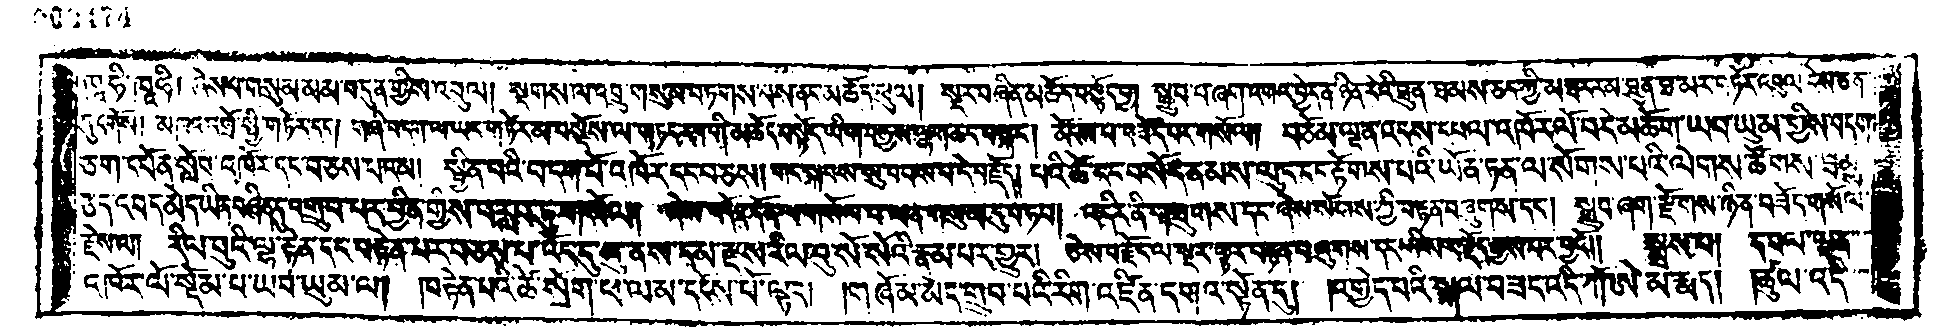ཁཱ་ཧི་ཁཱ་ཧི། ཞེས་པ་གསུམ་མམ་བདུན་གྱིས་འབུལ། སྔགས་ལ་འབྲུ་གསུམ་བཏགས་པས་ནང་མཆོད་ཕུལ། སྔར་བཞིན་མཆོད་བསྟོད་བྱ། སྒྲུབ་པ་ཞག་འགའ་བྱེད་ན་ཉིན་རེའི་ཐུན་ཐམས་ཅད་ཀྱི་མཐར་རམ་ཐུན་ཐ་མར་གཏོར་འབུལ་ངེས་ཅན་
དུ་དགོས། མཁའ་འགྲོ་སྤྱི་གཏོར་དང་། གཞི་བདག་ལ་ཡང་གཏོར་མ་བསྔོས་ལ་གཏང་རག་གི་མཆོད་བསྟོད་ཡིག་བརྒྱས་ལྷག་ཆད་བསྐང་། ནོངས་པ་བཟོད་པར་གསོལ། བཅོམ་ལྡན་འདས་དཔལ་འཁོར་ལོ་བདེ་མཆོག་ཡབ་ཡུམ་གྱིས་བདག་
ཅག་དཔོན་སློབ་འཁོར་དང་བཅས་པའམ། སྦྱིན་པའི་བདག་པོ་འཁོར་དང་བཅས། གང་སྐབས་སུ་བབས་པ་དེ་བརྗོད།  པའི་ཚེ་དང་བསོད་ནམས་ལུང་དང་རྟོགས་པའི་ཡོན་ཏན་ལ་སོགས་པའི་ལེགས་ཚོགས་ཐམས་
ཅད་འབད་མེད་ཡིད་བཞིན་དུ་འགྲུབ་པར་བྱིན་གྱིས་བརླབ་ཏུ་གསོལ། ཞེས་འདོད་དོན་ལ་གསོལ་བ་ལན་གསུམ་དུ་བཏབ།  འདིར་ནི་གཟུགས་དང་ཞེས་སོགས་ཀྱི་བརྟན་བཞུགས་དང་། སྒྲུབ་ཞག་རྫོགས་ཉིན་བཟོད་གསོལ་
རྗེས་ལ། རིལ་བུའི་ལྷ་རྟེན་དང་བརྟེན་པར་བཅས་པ་འོང་དུ་ཞུ་ནས་དམ་རྫས་རིལ་བུ་སོ་སོའི་རྣམ་པར་གྱུར། ཅེས་བརྗོད་ལ་སྔར་ལྟར་བརྟན་བཞུགས་དང་ཤིས་བརྗོད་རྒྱས་པར་བྱའོ།། སྨྲས་པ། དཔལ་ལྡན་
འཁོར་ལོ་སྡོམ་པ་ཡབ་ཡུམ་ལ། །བརྟེན་པའི་ཚེ་སྲོག་ཕ་ལམ་དངོས་པོ་ལྟར། །གཞོམ་མེད་གྲུབ་པའི་རིག་འཛིན་དགའ་སྟོན་དུ། །འགྱེད་པའི་སྐལ་བཟང་འདི་ཀོ་ཨེ་མ་རྨད། །ཚུལ་འདི་